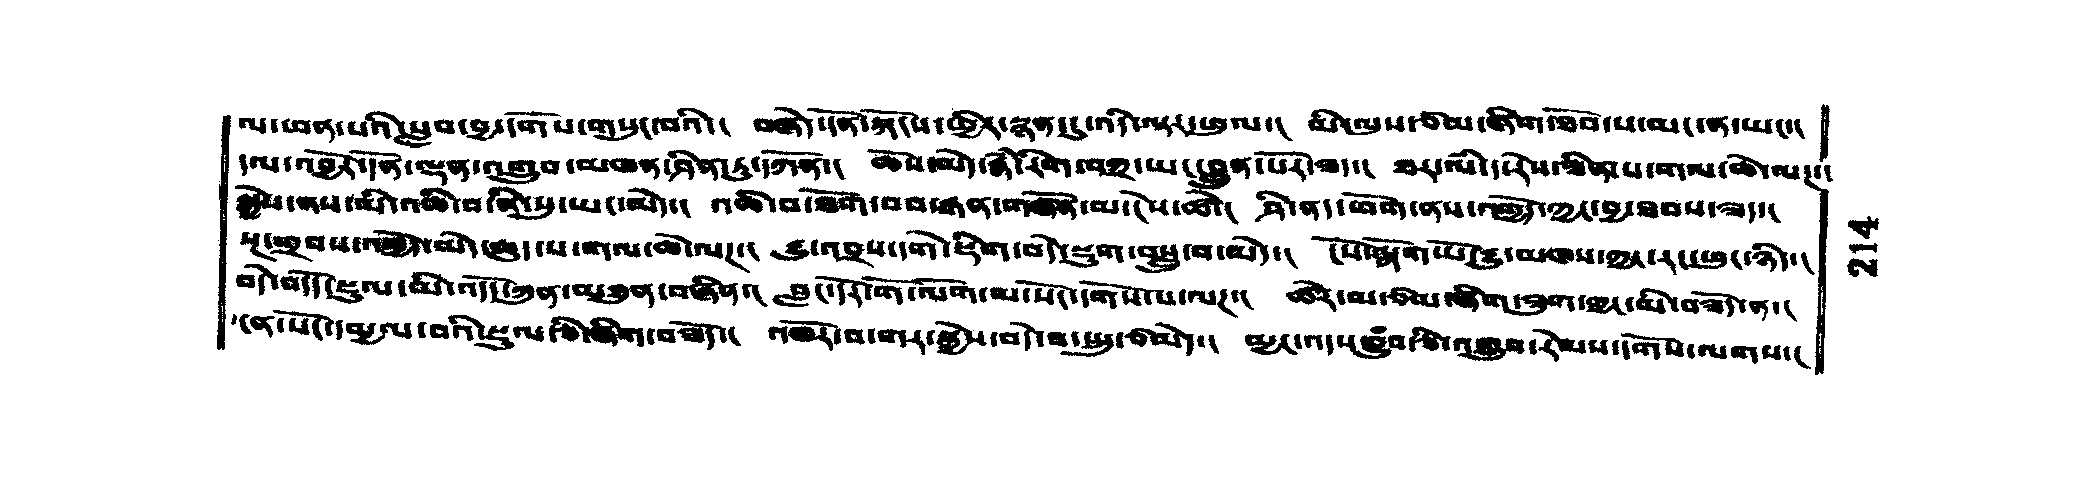ལ་ཕན་པའི་སླབ་བྱ་དགོས་གསུངས་བའི། །བཞེད་དོན་སྐོང་ཕྱིར་སྙན་དུ་འདི་ལྟར་ཕུལ། །མི་ལུས་ཙམ་ཞིག་ཐོབ་པ་མང་ན་ཡང་། །
དལ་འབྱོར་དོན་ལྡན་འགྲུབ་མཁན་ཤིན་ཏུ་དཀོན། །ཆོས་མེད་རྣམ་རིག་བཀྲ་ཡང་བླུན་པོར་ཟད། །ཐར་ལམ་ད་རེས་ཟིན་པ་གལ་ཆེ་ལགས། །
སྐྱེས་ནས་མི་འཆི་བ་ནི་སུ་ཡང་མེད། །འཆི་བ་ཐོག་བབ་རྒན་གཞོན་མ་ངེས་ཚེ། །ཤི་ནང་ཕོག་ནས་འགྱོད་ཀྱང་བྱ་ཐབས་ཟད། །
སྔ་གྲབས་འགྱོད་མེད་ཆུད་པ་གལ་ཆེ་ལགས། །རྒྱུ་འབྲས་དགེ་སྡིག་བདེ་སྡུག་བསླུ་བ་མེད། །ངོས་ལྐོག་གཡོ་སྒྱུ་མཁས་ཀྱང་རང་ཕུང་ཉིད། །
བདེ་བདོད་སྡུག་བསྔལ་མི་འདོད་ཀུན་མཐུན་བཞིན། །བླང་དོར་གོ་ལོག་མ་སོང་དགོས་པ་ལགས། །ཚེར་མ་ཙམ་ཞིག་ཟུག་ཀྱང་མི་བཟོད་ན། །
ངན་སོང་དམྱལ་བའི་སྡུག་བསྔལ་ཅི་ཞིག་བཟོད། །འཁོར་བ་གར་སྐྱེས་བདེ་བ་སྤུ་ཙམ་མེད། །མྱང་འདས་བྱང་ཆུབ་ཅི་འགྲུབ་རེམ་དགོས་ལགས།